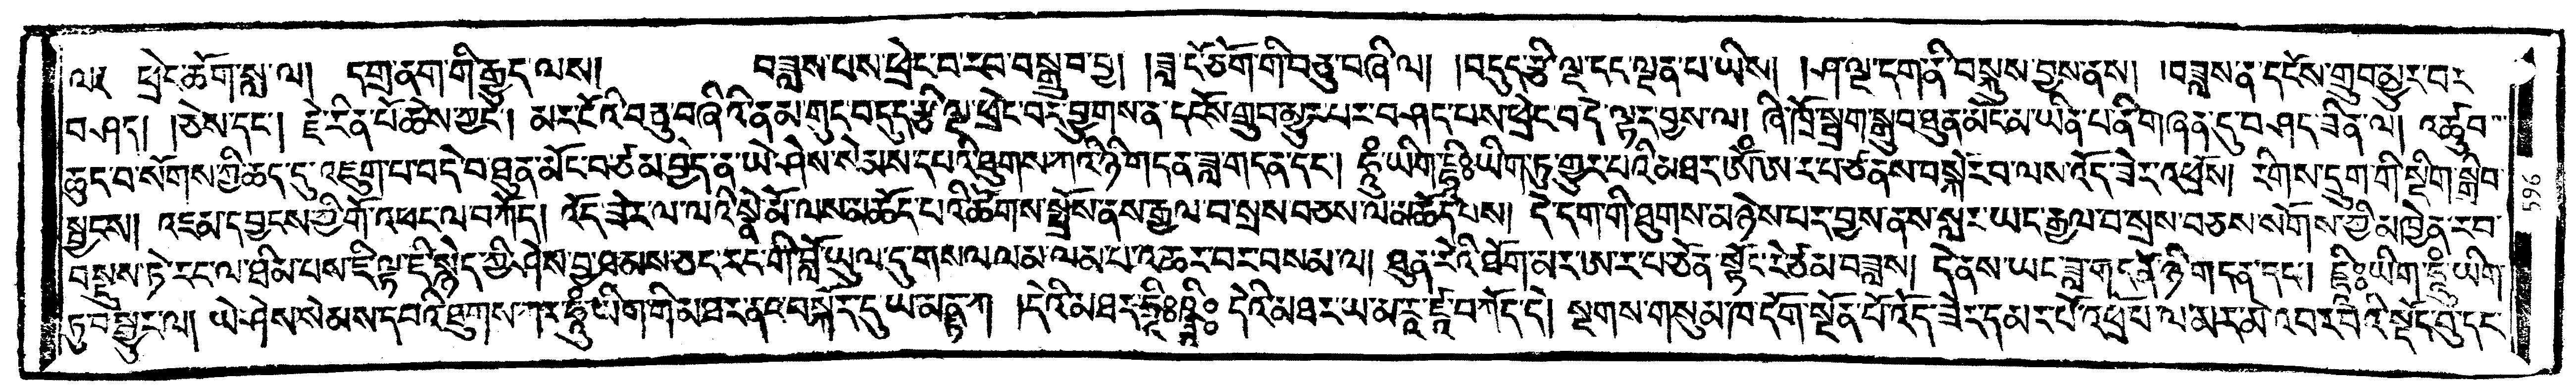ལ༑ ཕྲེང་ཆོག་སླ་ལ། དགྲ་ནག་གི་རྒྱུད་ལས། བཟླས་པས་ཕྲེང་བ་རབ་བསྒྲུབ་བྱ། །ཟླ་ངོ་ཅོག་གི་བཅུ་བཞི་ལ། །བདུད་རྩི་ལྔ་དང་ལྡན་པ་ཡིས། །ཤ་ལྔ་དག་ནི་བསྐུས་བྱས་ནས། །བཟླས་ན་དངོས་གྲུབ་མྱུར་བར་
བཤད། །ཅེས་དང་། རྗེ་རིན་པོ་ཆེས་ཀྱང་། མར་ངོའི་བཅུ་བཞིའི་ནམ་གུང་བདུད་རྩི་ལྔ་ཕྲེང་བར་བྱུགས་ན་དངོས་གྲུབ་མྱུར་པར་བཤད་པས་ཕྲེང་བ་དེ་ལྟར་བྱས་ལ། ཞི་ཁྲོ་སྦྲག་སྒྲུབ་ཐུན་མོང་མ་ཡིན་པ་ནི་གཞན་དུ་བཤད་ཟིན་ལ། འཚུབ་
ཆུང་བ་སོགས་ཀྱི་ཆད་དུ་འཇུག་པ་བདེ་བ་ཐུན་མོང་བ་ཙམ་བྱེད་ན་ཡེ་ཤེས་སེམས་དཔའི་ཐུགས་ཀའི་ཉི་གདན་ཟླ་གདན་དང་། ཧཱུཾ་ཡིག་དྷཱིཿཡིག་ཏུ་གྱུར་པའི་མཐར་ཨོཾ་ཨ་ར་པ་ཙ་ནས་བསྐོར་བ་ལས་འོད་ཟེར་འཕྲོས། རིགས་དྲུག་གི་སྡིག་སྒྲིབ་
སྦྱངས། འཇམ་དབྱངས་ཀྱི་གོ་འཕང་ལ་བཀོད། འོད་ཟེར་ལ་ལའི་སྣེ་མོ་ལས་མཆོད་པའི་ཚོགས་སྤྲོས་ནས་རྒྱལ་བ་སྲས་བཅས་ལ་མཆོད་པས། དེ་དག་གི་ཐུགས་མཉེས་པར་བྱས་ནས་སླར་ཡང་རྒྱལ་བ་སྲས་བཅས་སོགས་ཀྱི་མཁྱེན་རབ་
བསྡུས་ཏེ་རང་ལ་ཐིམ་པས་ཇི་ལྟ་ཇི་སྙེད་ཀྱི་ཤེས་བྱ་ཐམས་ཅད་རང་གི་བློ་ཡུལ་དུ་གསལ་ལམ་ལམ་པ་འཆར་བར་བསམ་ལ། ཐུན་རེའི་ཐོག་མར་ཨ་ར་པ་ཙ་ན་སྟོང་རེ་ཙམ་བཟླས། དེ་ནས་ཡང་ཟླ་གདོན་ཉི་གདན་དང་། དྷཱིཿཡིག་ཧཱུཾ་ཡིག་
ཏུ་བསྒྱུར་ལ། ཡེ་ཤེས་སེམས་དཔའི་ཐུགས་ཀར་ཧཱུཾ་ཡིག་གི་མཐར་ནང་བསྐོར་དུ་ཡ་མནྟ་ཀ །དེའི་མཐར་ཧྲཱིཿཥྚཱིཿ དེའི་མཐར་ཡ་མ་རཱ་ཛཱ་བཀོད་དེ། སྔགས་གསུམ་ཁ་དོག་སྔོན་པོ་འོད་ཟེར་དམར་པོ་འཕྲོ་བ་ལ་མར་མེ་འབར་བའི་སྡོང་བུ་དང་